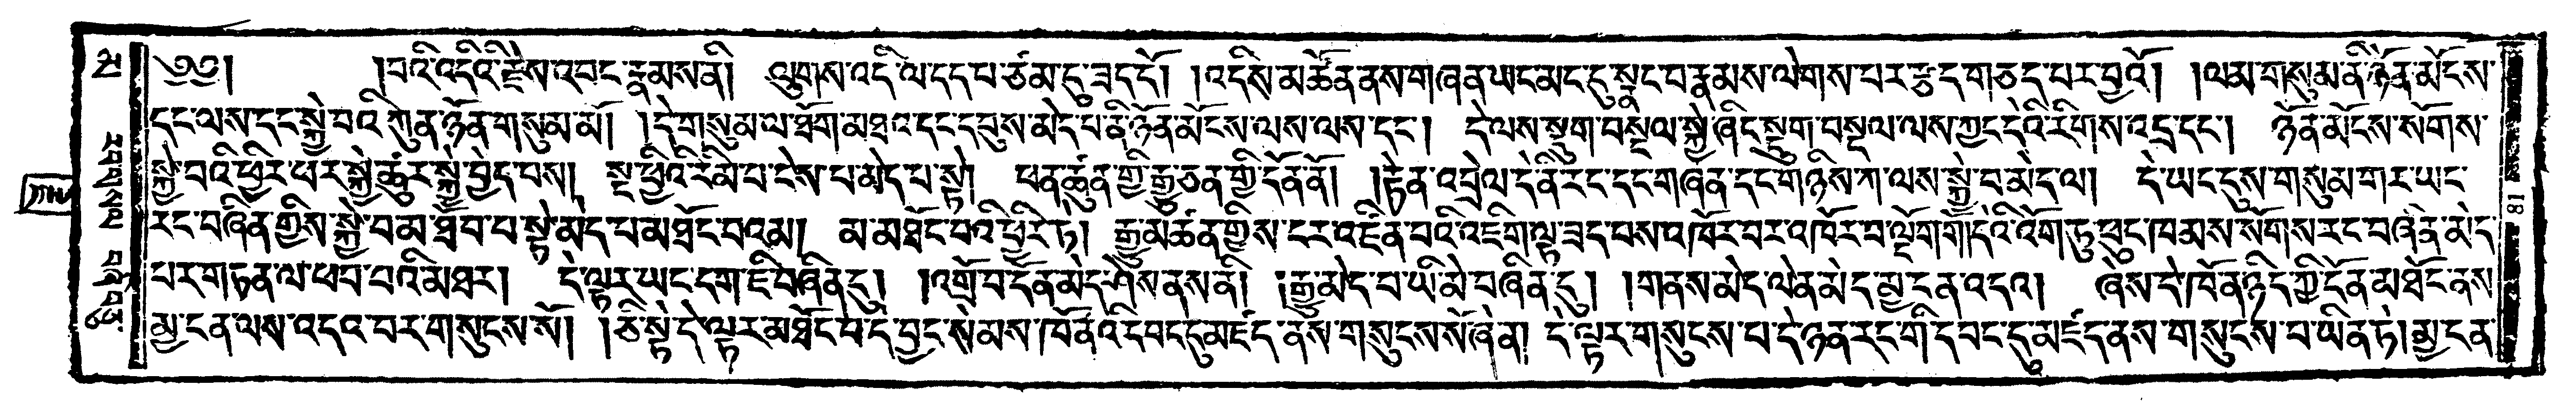༄༅། །བའི་འདིའི་རྗེས་འབྲང་རྣམས་ནི། ལུགས་འདི་ལ་དད་པ་ཙམ་དུ་ཟད་དོ། །འདིས་མཚོན་ནས་གཞན་ཡང་མང་དུ་སྣང་བ་རྣམས་ལེགས་པར་རྩད་གཅད་པར་བྱའོ། །ལམ་གསུམ་ནི་ཉོན་མོངས་
དང་ལས་དང་སྐྱེ་བའི་ཀུན་ཉོན་གསུམ་མོ། །དེ་གསུམ་ལ་ཐོག་མཐའ་དང་དབུས་མེད་པ་ནི་ཉོན་མོངས་ལས་ལས་དང་། དེ་ལས་སྡུག་བསྔལ་སྐྱེ་ཞིང་སྡུག་བསྔལ་ལས་ཀྱང་དེའི་རིགས་འདྲ་དང་། ཉོན་མོངས་སོགས་
སྐྱེ་བའི་ཕྱིར་ཕར་སྐྱེ་ཚུར་སྐྱེ་བྱེད་པས། སྔ་ཕྱིའི་རིམ་པ་ངེས་པ་མེད་པ་སྟེ། ཕན་ཚུན་གྱི་རྒྱུ་ཅན་གྱི་དོན་ནོ། །རྟེན་འབྲེལ་དེ་ནི་རང་དང་གཞན་དང་གཉིས་ཀ་ལས་སྐྱེ་བ་མེད་ལ། དེ་ཡང་དུས་གསུམ་གང་ཡང་
རང་བཞིན་གྱིས་སྐྱེ་བ་མ་ཐོབ་པ་སྟེ་མེད་པ་མཐོང་བའམ། མ་མཐོང་བའི་ཕྱིར་ཏེ། རྒྱུ་མཚན་གྱིས་ངར་འཛིན་པའི་འཇིག་ལྟ་ཟད་པས་འཁོར་བར་འཁོར་བ་ལྡོག་གོ །དེའི་འོག་ཏུ་ཕུང་ཁམས་སོགས་རང་བཞིན་མེད་
པར་གཏན་ལ་ཕབ་པའི་མཐར། དེ་ལྟར་ཡང་དག་ཇི་བཞིན་དུ། །འགྲོ་བ་དོན་མེད་ཤེས་ནས་ནི། །རྒྱུ་མེད་པ་ཡི་མེ་བཞིན་དུ། །གནས་མེད་ལེན་མེད་མྱ་ངན་འདའ། ཞེས་དེ་ཁོ་ན་ཉིད་ཀྱི་དོན་མཐོང་ནས་
མྱ་ངན་ལས་འདའ་བར་གསུངས་སོ། །ཅི་སྟེ་དེ་ལྟར་མཐོང་བ་དེ་བྱང་སེམས་ཁོ་ནའི་དབང་དུ་མཛད་ནས་གསུངས་སོ་ཞེ་ན། དེ་ལྟར་གསུངས་པ་དེ་ཉན་རང་གི་དབང་དུ་མཛད་ནས་གསུངས་པ་ཡིན་ཏེ། མྱ་ངན་